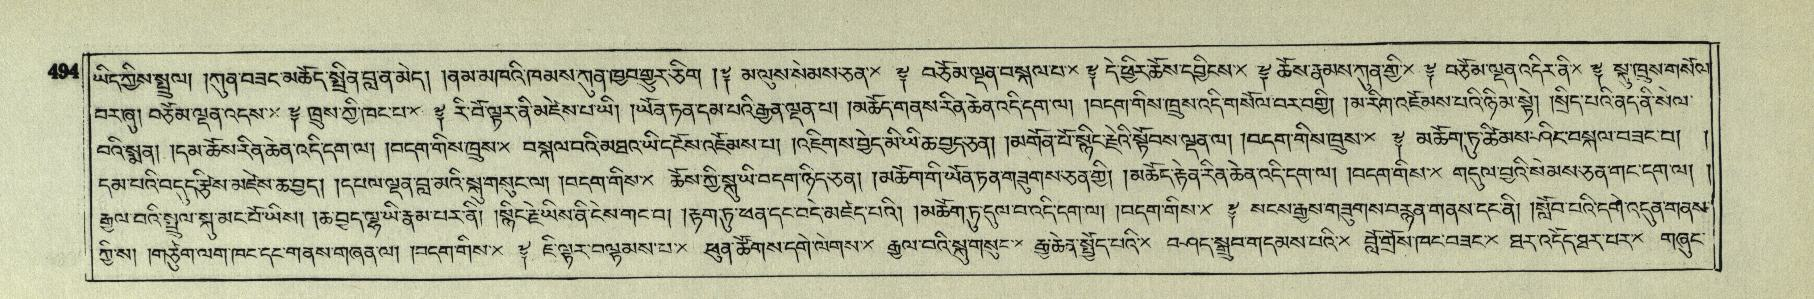ཡིད་ཀྱིས་སྤྲུལ། །ཀུན་བཟང་མཆོད་སྤྲིན་བླ་ན་མེད། །ནམ་མཁའི་ཁམས་ཀུན་ཁྱབ་གྱུར་ཅིག ། འ་མ་ལུས་སེམས་ཅན་྾་འ་བཅོམ་ལྡན་བསྐལ་པ་྾་འ་ཆོས་རྣམས་ཀུན་གྱི་྾་འ་བཅོམ་ལྡན་འདིར་ནི་྾་འ་སྐུ་ཁྲུས་གསོལ་
བར་ཞུ། བཅོམ་ལྡན་འདས་྾་འ་ཁྲུས་ཀྱི་ཁང་པ་྾་འ་རི་བོ་ལྟར་ནི་མཛེས་པ་ཡི། །ཡོན་ཏན་དམ་པའི་རྒྱན་ལྡན་པ། །མཆོད་གནས་རིན་ཆེན་འདི་དག་ལ། །བདག་གིས་ཁྲུས་འདི་གསོལ་བར་བགྱི། །མ་རིག་འཇོམས་པའི་ཉི་མ་སྟེ། །སྲིད་པའི་ནད་ནི་སེལ་
བའི་སྨན། །དམ་ཆོས་རིན་ཆེན་འདི་དག་ལ། །བདག་གིས་ཁྲུས་྾་བསྐལ་བའི་མཐའ་ཡི་དངོས་འཇོམས་པ། །འཇིགས་བྱེད་མི་ཡི་ཆ་བྱད་ཅན། །མགོན་པོ་སྙིང་རྗེའི་སྟོབས་ལྡན་ལ། །བདག་གིས་ཁྲུས་྾་འ་མཆོག་ཏུ་ཚིམས་ཤིང་བསྐལ་བཟང་བ། །
དམ་པའི་བདུད་རྩིས་མཛེས་ཆ་བྱད། །དཔལ་ལྡན་བླ་མའི་སྐུ་གསུང་ལ། །བདག་གིས་྾་ཆོས་ཀྱི་སྐུ་ཡི་བདག་ཉིད་ཅན། །མཆོག་གི་ཡོན་ཏན་གཟུགས་ཅན་གྱི། །མཆོད་རྟེན་རིན་ཆེན་འདི་དག་ལ། །བདག་གིས་྾་གདུལ་བྱའི་སེམས་ཅན་གང་དག་ལ། །
རྒྱལ་བའི་སྤྲུལ་སྐུ་མང་པོ་ཡིས། །ཆ་བྱད་ལྷ་ཡི་རྣམ་པར་ནི། །སྙིང་རྗེ་ཡིས་ནི་ངེས་གང་བ། །རྟག་ཏུ་ཕན་དང་བདེ་མཛད་པའི། །མཆོག་ཏུ་དུལ་བ་འདི་དག་ལ། །བདག་གིས་྾་འ་སངས་རྒྱས་གཟུགས་བརྙན་གནས་དང་ནི། །སློབ་པའི་དགེ་འདུན་གནས་
ཀྱི་ས། །གཙུག་ལག་ཁང་དང་གནས་གཞན་ལ། །བདག་གིས་྾་འ་ཇི་ལྟར་བལྟམས་པ་྾་ཕུན་ཚོགས་དགེ་ལེགས་྾་རྒྱལ་བའི་སྐུ་གསུང་྾་རྒྱ་ཆེན་སྤྱོད་པའི་྾་བཤད་སྒྲུབ་གདམས་པའི་྾་བློ་གྲོས་ཁང་བཟང་྾་ཐར་འདོད་ཐར་པར་྾་གཞུང་